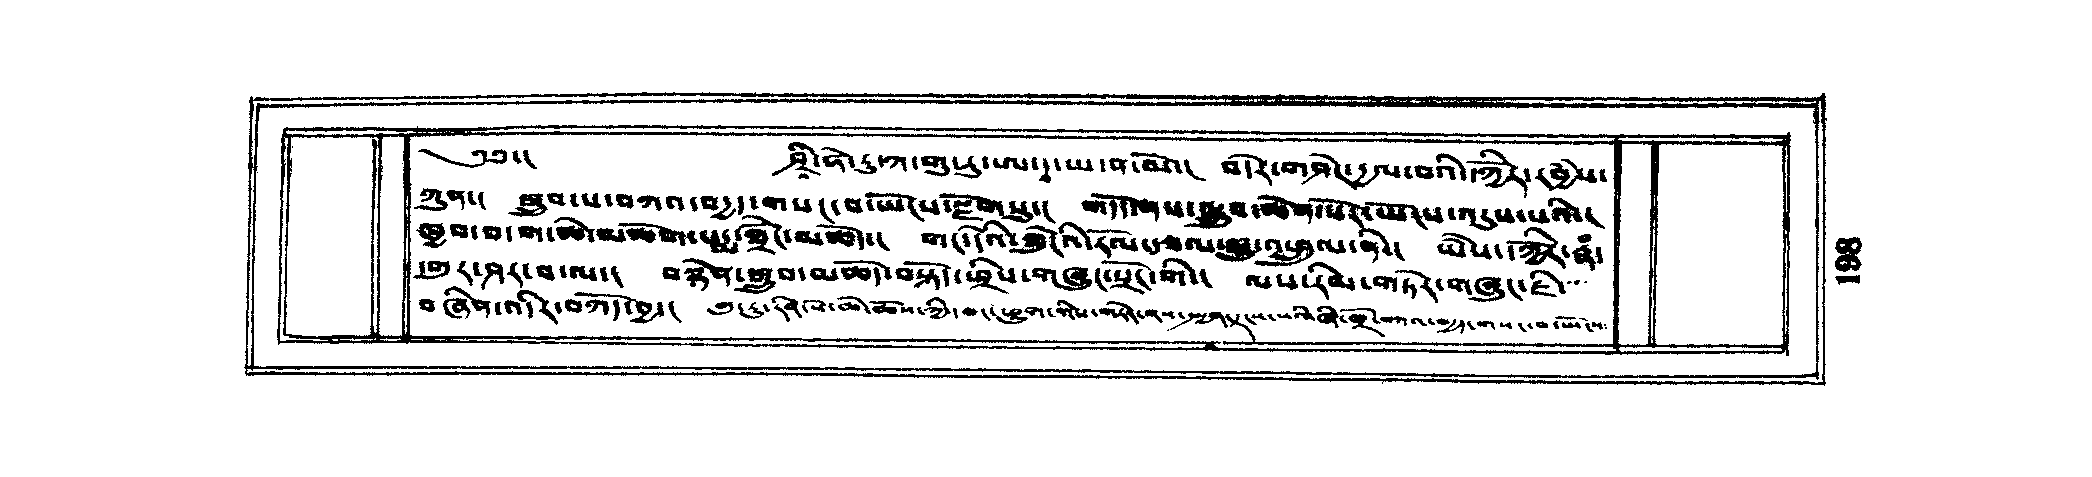ཤྲཱི་ཧེ་རུ་ཀ་གུ་རུ་ཨ་དྭ་ཡ་ན་མོ། བདེར་གཤེགས་རྒྱལ་བའི་དཀྱིལ་འཁོར་རབ་འབྱམས་
ཀུན། །སྒྲུབ་པ་བཀའ་བརྒྱད་གསང་བ་ཡོངས་རྫོགས་སུ། །གདོད་ནས་ལྷུན་གྲུབ་ཆེན་པོར་ཡོངས་འདུས་པའི། །
ཁྱབ་བདག་ཆེ་མཆོག་པདྨ་ཐོད་ཕྲེང་མཆོད། །གང་དེའི་ཐུགས་རྗེའི་རོལ་རྩལ་སྒྱུ་འཕྲུལ་ནི། །ཡེ་ཤེས་དཀྱིལ་འཁོར་རྣམ་
དགུར་ཤར་བ་ལ། །བསྙེན་སྒྲུབ་མཆོད་བསྟོད་ཕྲིན་ལས་གཞུང་སྲོང་གི་།ལས་རིམ་གཏེར་གཞུང་ཇི་
བཞིན་འདིར་བཀོད་བྱ། །གུ་རུ་རིན་པོ་ཆེ་ཆོས་ཀྱི་དབང་ཕྱུག་གིས་གཏེར་ནས་སྤྱན་དྲངས་པའི་ཞི་ཁྲོ་བཀའ་བརྒྱད་གསང་བ་ཡོངས་